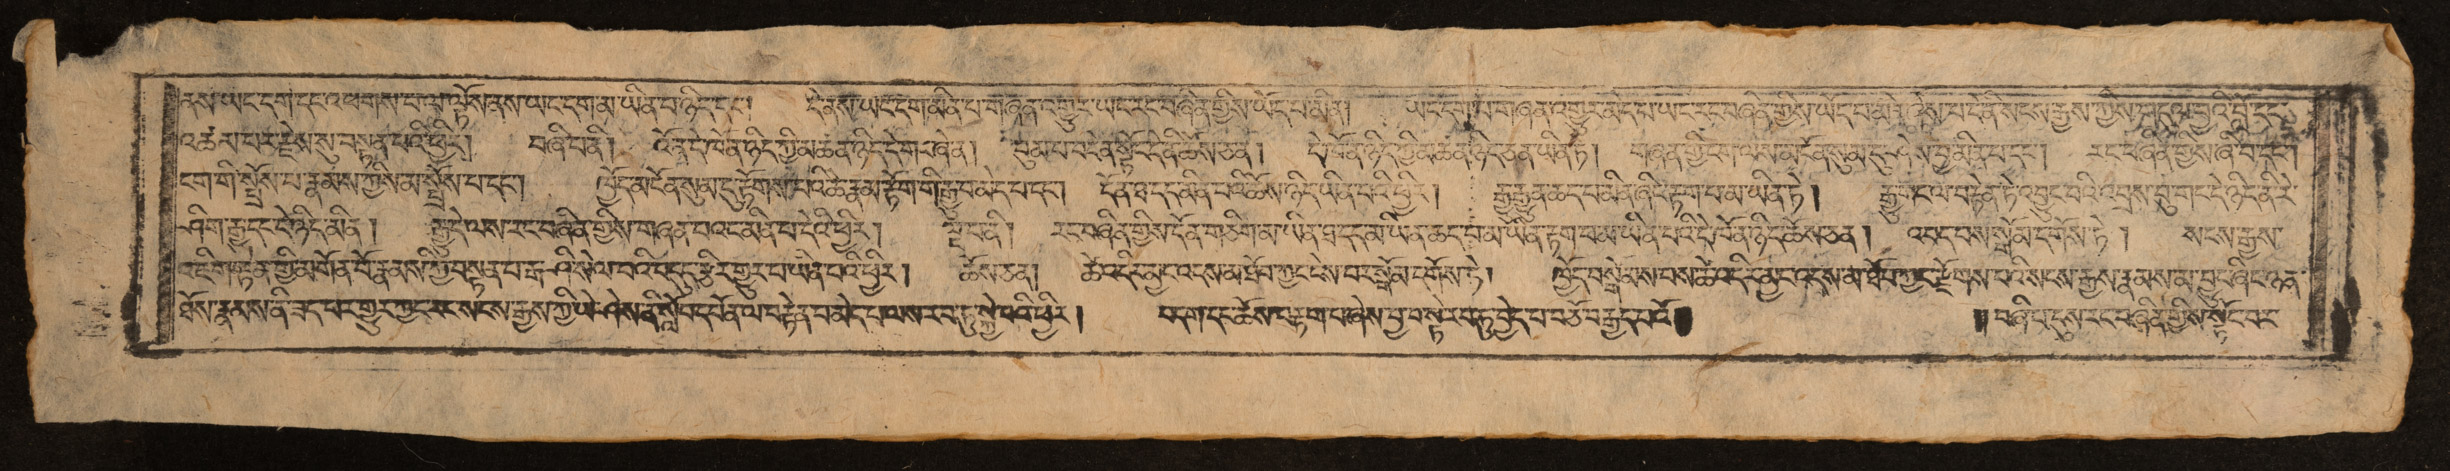ནས་ཡང་དག་དང་འཕགས་པ་ལ་ལྟོས་ནས་ཡང་དག་མ་ཡིན་པ་ཉིད་དང་། དེ་ནས་ཡང་དག་མིན་པ་གཞན་འགྱུར་ཡང་རང་བཞིན་གྱིས་ཡོད་པ་མིན། ཡང་དག་པར་གཞན་འགྱུར་མེད་པ་ཡང་རང་བཞིན་གྱིས་ཡོད་པ་མིན་ཞེས་པ་དེ་ནི་སངས་རྒྱས་ཀྱིས་གདུལ་བྱའི་བློ་དང་
འཚམ་པར་རྗེས་སུ་བསྟན་པའི་ཕྱིར། བཞི་པ་ནི། འོན་དེ་ཁོ་ན་ཉིད་ཀྱི་མཚན་ཉིད་དེ་གང་ཞེ་ན། བུམ་པ་བདེན་སྟོང་དེ་ནི་ཆོས་ཅན། དེ་ཁོ་ན་ཉིད་ཀྱི་མཚན་ཉིད་ཅན་ཡིན་ཏེ། གཞན་གྱི་ངག་ལས་མངོན་སུམ་དུ་ཤེས་བྱ་མིན་པ་དང་། རང་བཞིན་གྱིས་ཞི་བ་དང་།
ངག་གི་སྤྲོས་པ་རྣམས་ཀྱིས་མ་སྤྲོས་པ་དང་། ཁྱོད་མངོན་སུམ་དུ་རྟོགས་པའི་ཚེ་རྣམས་རྟོག་གི་རྒྱུ་བ་མེད་པ་དང་། དོན་ཐ་དད་མིན་པའི་ཆོས་ཉིད་ཡིན་པའི་ཕྱིར། རྒྱུ་རྒྱུན་ཆད་པ་མིན་ཞིང་རྟག་པ་མ་ཡིན་ཏེ། རྒྱུ་གང་ལ་བརྟེན་ཏེ་འབྱུང་བའི་འབྲས་བུ་གང་དེ་ཉིད་ནི་རེ་
ཤིག་རྒྱུ་དང་དེ་ཉིད་མིན། རྒྱུ་དེ་ལས་རང་བཞིན་གྱིས་གཞན་པའང་མིན་པ་དེའི་ཕྱིར། ལྔ་པ་ནི། རང་བཞིན་གྱིས་དོན་གཅིག་མ་ཡིན་ཐ་དད་མ་ཡིན་ཆད་པ་མ་ཡིན་རྟག་པ་མ་ཡིན་པའི་དེ་ཁོ་ན་ཉིད་ཆོས་ཅན། འབད་པས་སྒོམ་དགོས་ཏེ། སངས་རྒྱས་
འཇིག་རྟེན་གྱི་མགོན་པོ་རྣམས་ཀྱི་བསྟན་པ་རྒ་ཤི་སེལ་བའི་བདུད་རྩི་གྱུར་པ་ཡིན་པའི་ཕྱིར། ཆོས་ཅན། ཚེ་འདིར་མྱང་འདས་མ་ཐོབ་ཀྱང་ངེས་པར་སྒོམ་དགོས་ཏེ། ཁྱོད་བསྒོམས་པས་ཚེ་འདིར་མྱང་འདས་མ་ཐོབ་ཀྱང་རྫོགས་པའི་སངས་རྒྱས་རྣམས་མ་བྱུང་ཞིང་ཉན་
ཐོས་རྣམས་ནི་ཟད་པར་གྱུར་ཀྱང་རང་སངས་རྒྱས་ཀྱི་ཡེ་ཤེས་ནི་སློབ་དཔོན་ལ་བརྟེན་པ་མེད་པ་ལས་རབ་ཏུ་སྐྱེ་བའི་ཕྱིར། བདག་དང་ཆོས་བརྟག་པ་ཞེས་བྱ་བ་སྟེ་རབ་ཏུ་བྱེད་པ་བཅོ་བརྒྱད་པའོ།། །།བཞི་པ་དུས་རང་བཞིན་གྱིས་སྟོང་བར་